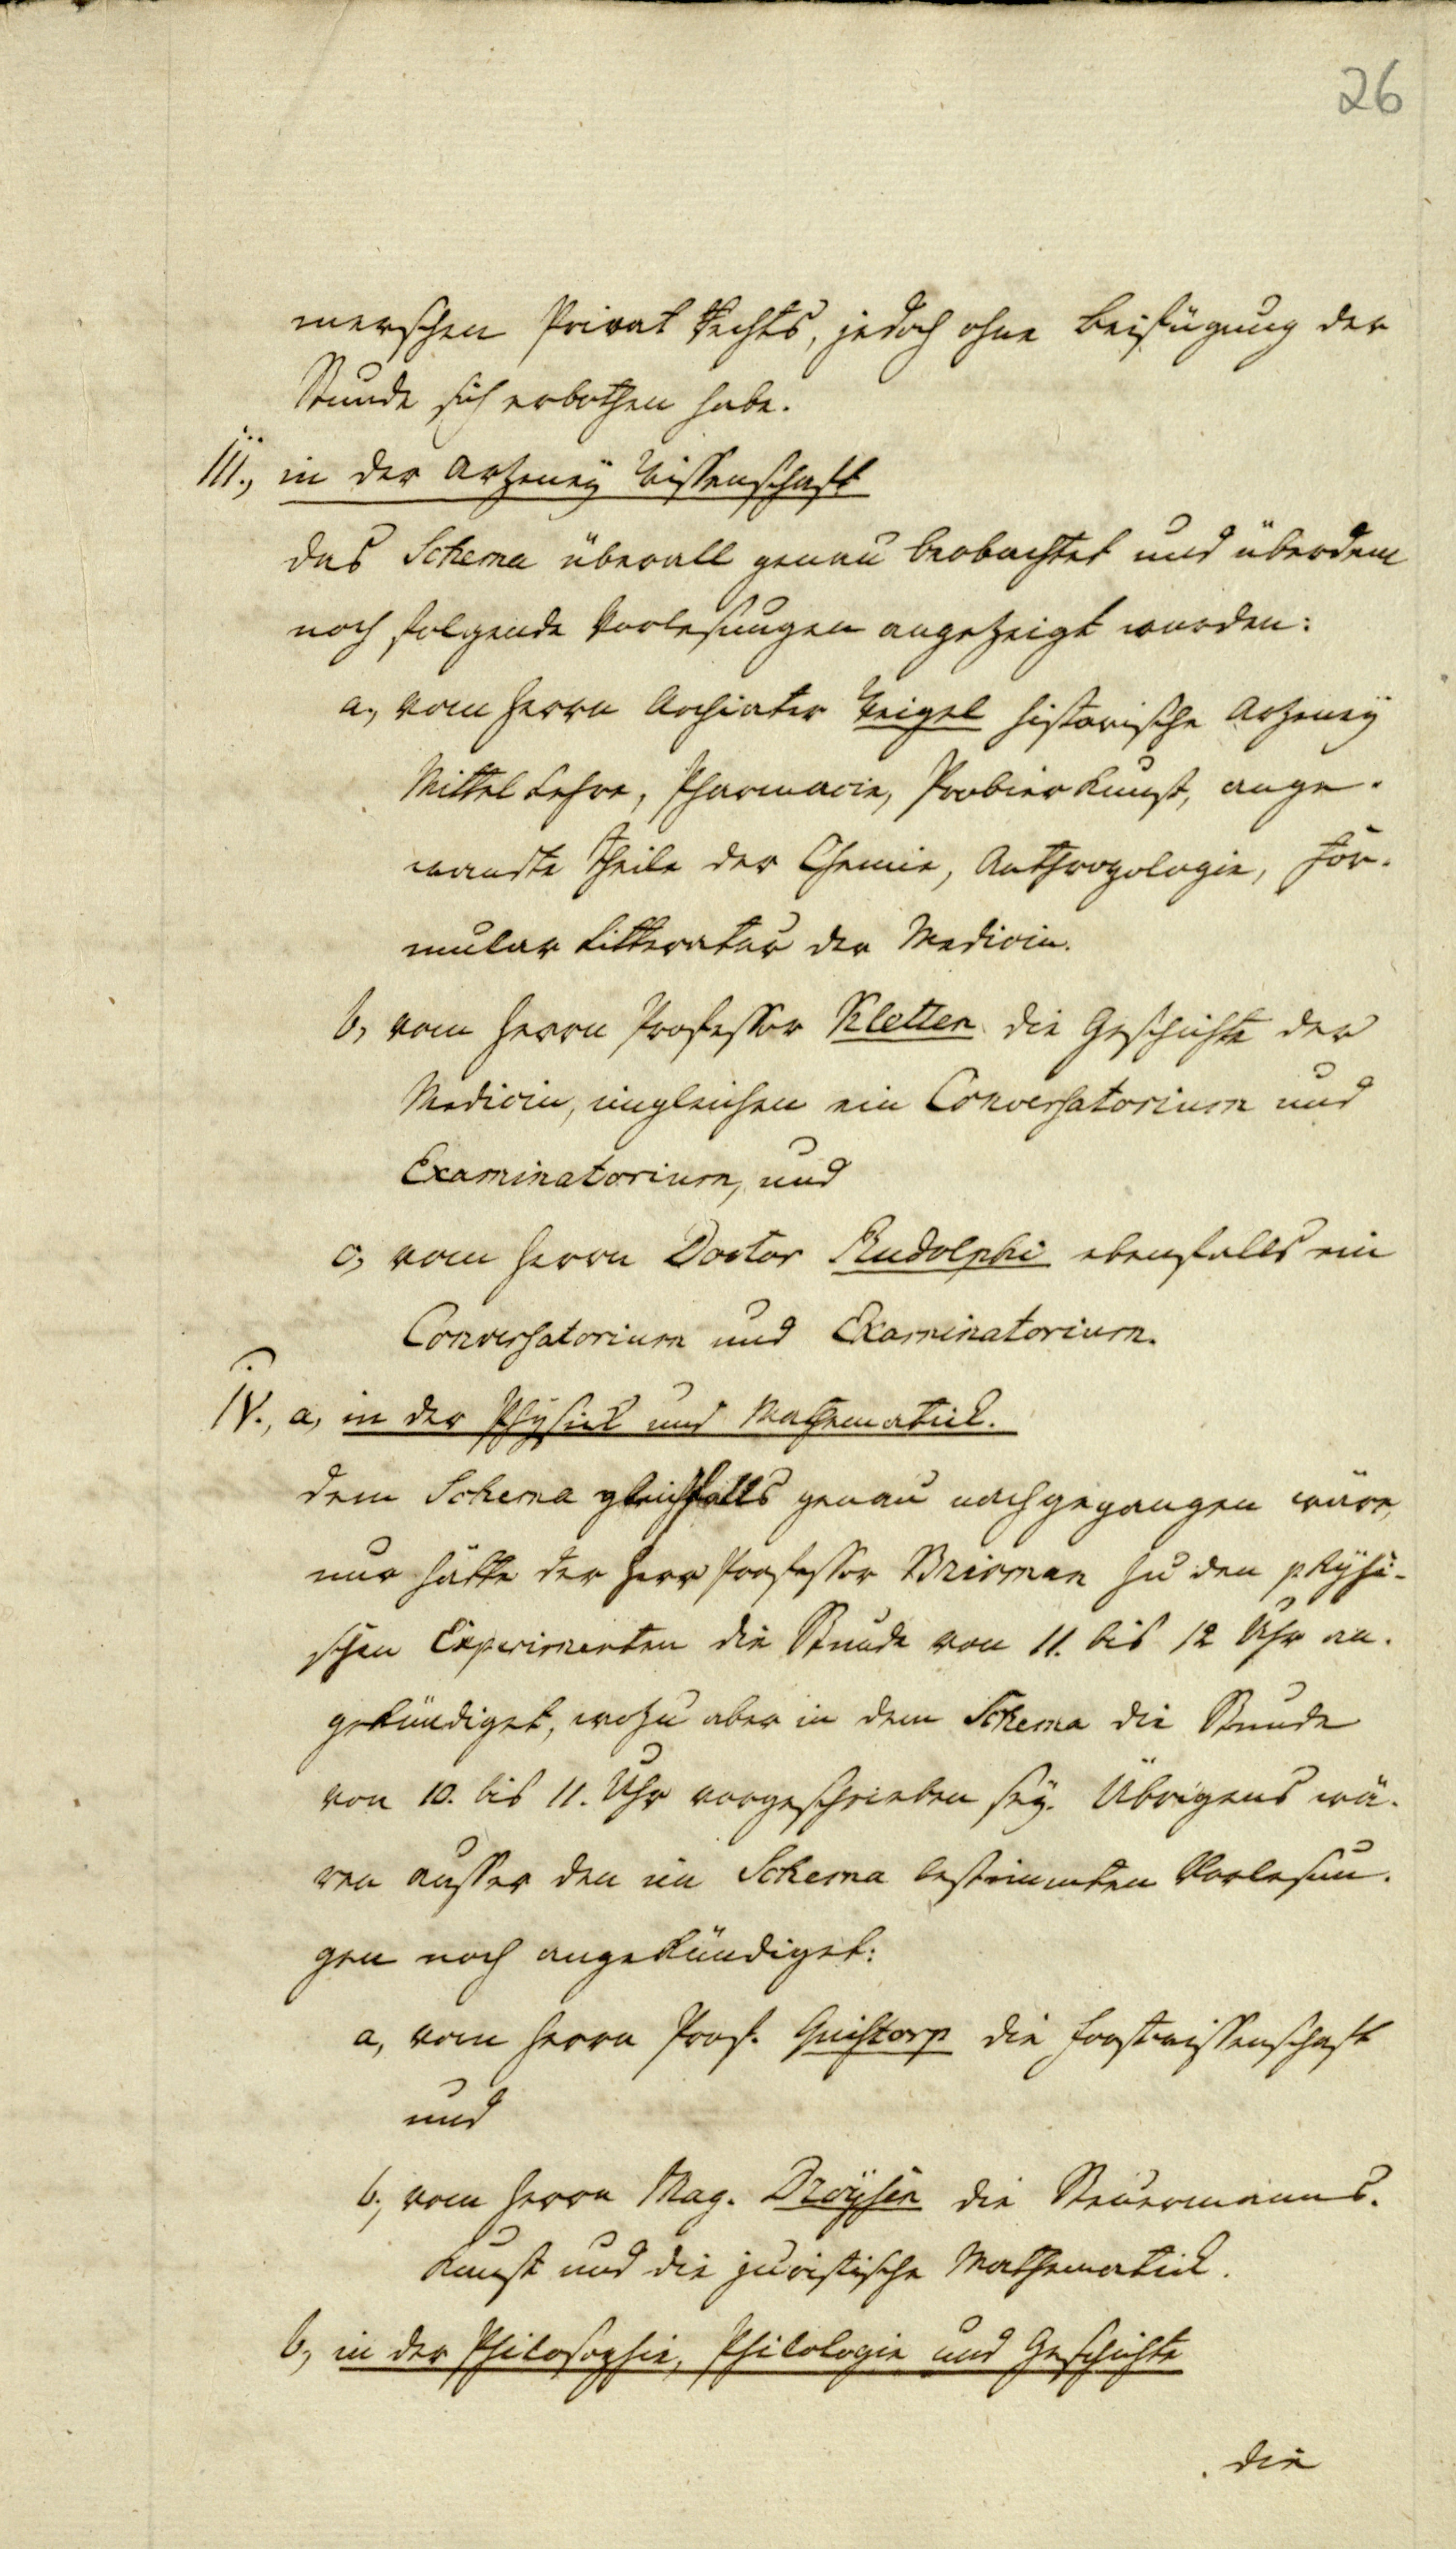merschen Privat Rechts, jedoch ohne Beifügung der
Stunde sich erbothen habe.
III., in der Arzeneÿ Wissenschaft
das Schema überall genau beobachtet und überdem
noch folgende Vorlesungen angezeigt wurden:
a., vom herrn Archiater Weigel historische Arzeneÿ
Mittel Lehre, Pharmacie, Probierkunst, ange¬
wandte Theile der Chemie, Anthropologie, For¬
mular Litteratur der Medicin.
b., vom herrn Professor Kletten die Geschichte der
Medicin, ingleichen ein Conversatorium und
Examinatorium, und
c, vom herrn Doctor Rudolphi ebenfalls ein
Conversatorium und Examinatorium.
IV., a, in der Phÿsick und Mathematick
dem Schema gleichfalls genau nachgegangen wäre,
nur hätte der herr Professor Brisman zu den phÿsi¬
schen Experimenten die Stunde von 11. bis 12 Uhr an¬
gekündiget, wozu aber in dem Schema die Stunde
von 10. bis 11. Uhr vorgeschrieben seÿ. Übrigens wä¬
ren außer den im Schema bestimmten Vorlesun¬
gen noch angekündiget:
a, vom herrn Prof. Quistorp die Forstwissenschaft
und
b, vom herrn Mag. Droÿsen die Steuermanns
kunst und die juristische Mathematick.
b, in der Philosophie, Philologie und Geschichte
die